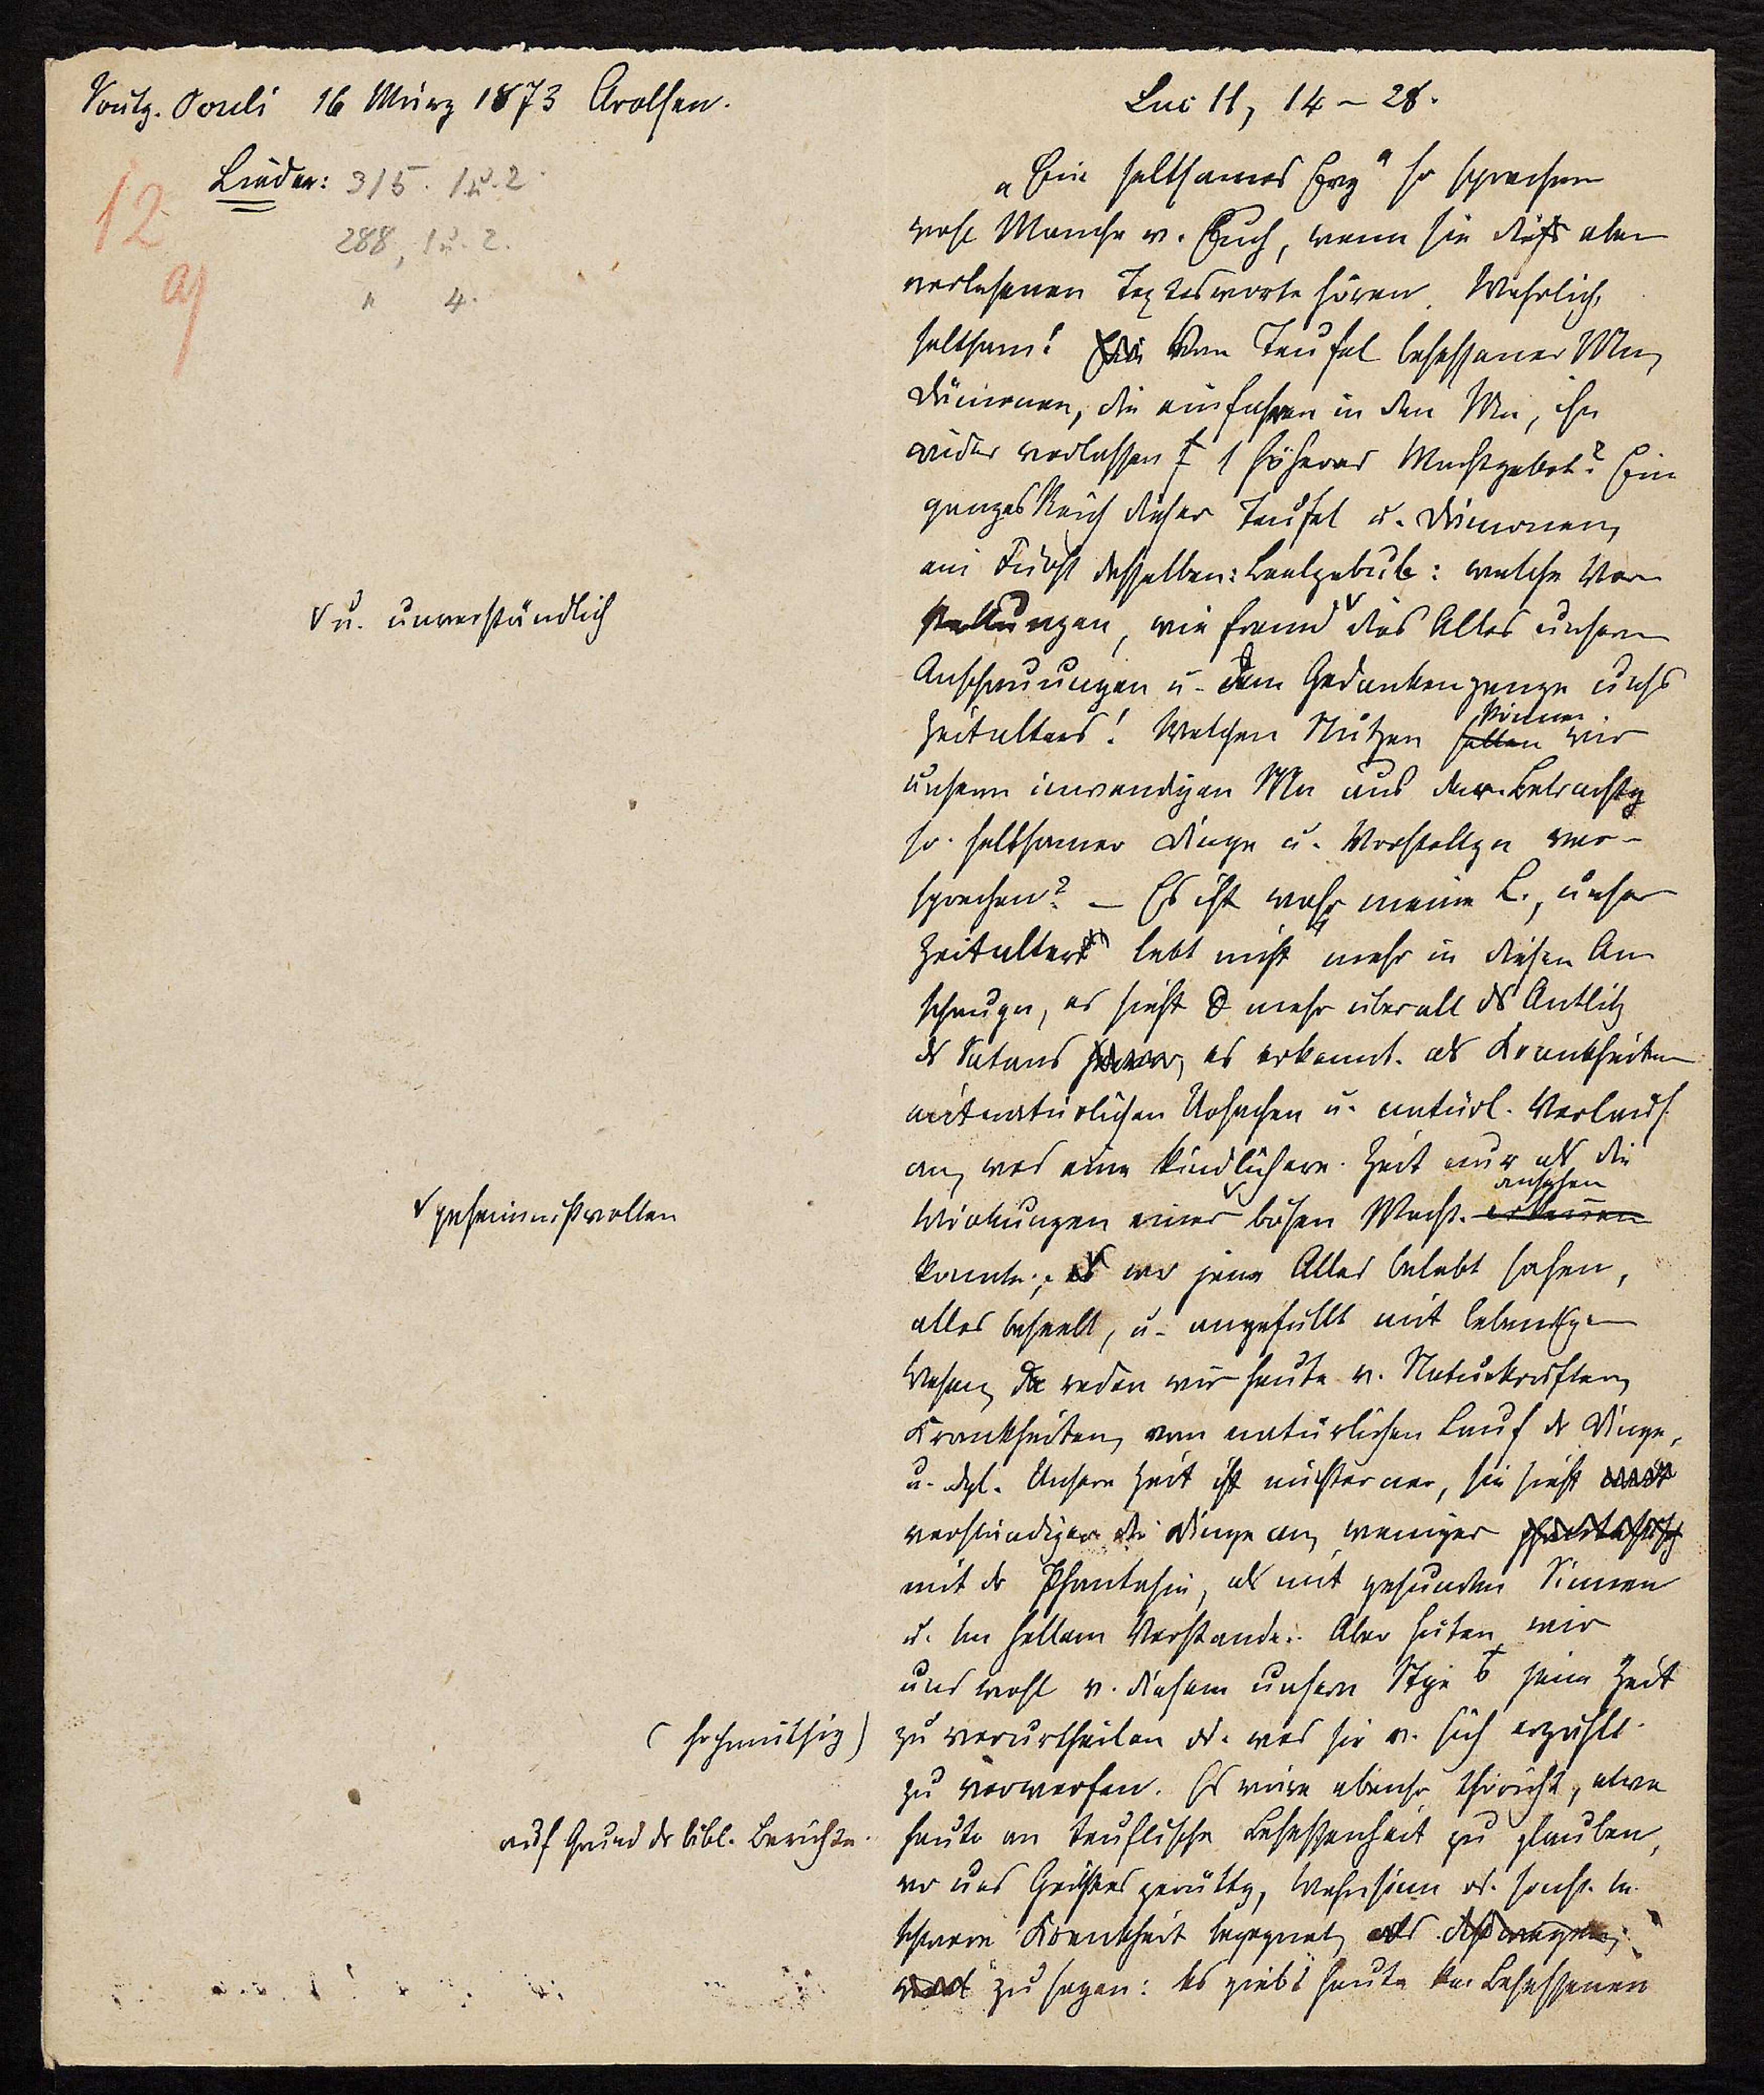Sontg. Oculi 16 März 1873 Arolsen.
Lieder: 315,.1.u.2.
1
288,1u.2
a)
" 5
V. u. unverständlich
V geheimnisvollen
(hochmüthig)
auf Grund der bibl. Berichte
Luc 11, 14-28.
"Ein seltsames Erz" so sprachen
wohl Manche v. Euch, wenn sie dies eben
verlesene Textworte hören. Wahrlich,
seltsam! Ein Vom Teufel besessene Mn,
Dämonene, die einfahren in den Men, ihn
wieder verlassen f 1 höheres Machtgebet? Ein
ganzes Reich dieser Teufel u. Dämonen,
ein Fürst desselben: Beelzebub: welche Vor¬
stellungen, wie fremd dies Alles unsern
Anschauungen u. den Gedankengange unss
stünden
Zeitalters! Welchen Nutzen sollen wir
unserm inwendigen Mn aus der Betrachtg
sr seltsamen Dinge un Vorstellgn ver¬
sprechen? _ Es ist wahr, meine L. unser
Zeitalter lebt nicht mehr in diesen An¬
sschauungen, es sieht o mehr überall ds Antlitz
ds Satans freuen, es erkennt al Krankheiten
mit natürlichlichen Ursachen un natürl. Verlauf
an, was eine kindlichere Zeit nur als die
ansehen
Wirkungen einer bösen Macht
konnte; es wo jener Alles belebt sahen,
alles beseelt, u. angefüllt mit lebendigen
Wesen, da reden wir heut v. Naturkräften,
Krankheiten, am natürlichen Lauf dr Dinge
u. dgl. Unsere Zeit ist nüchterner, sie sieht was
verständiger die Dinge an, weniger phantastisch
mit der Phantasie, als mit gesunden Sinnen
u 1m hellen Verstande. Aber hüten wir
uns wohl v. disem unsern Nyn s jener Zeit
zu verurtheilen od. was sie v. sich erzählt
zu verwerfen. Es wäre ebenso thöricht, etwa
heute an teuflische Besessenheit zu glauben,
wo uns Geistesgerättg, Wahnsinn od. sonst 1n
schwere Krankheit begenet, oder daß wenigs
wird zu sagen: es giebt heute kn Besessenen